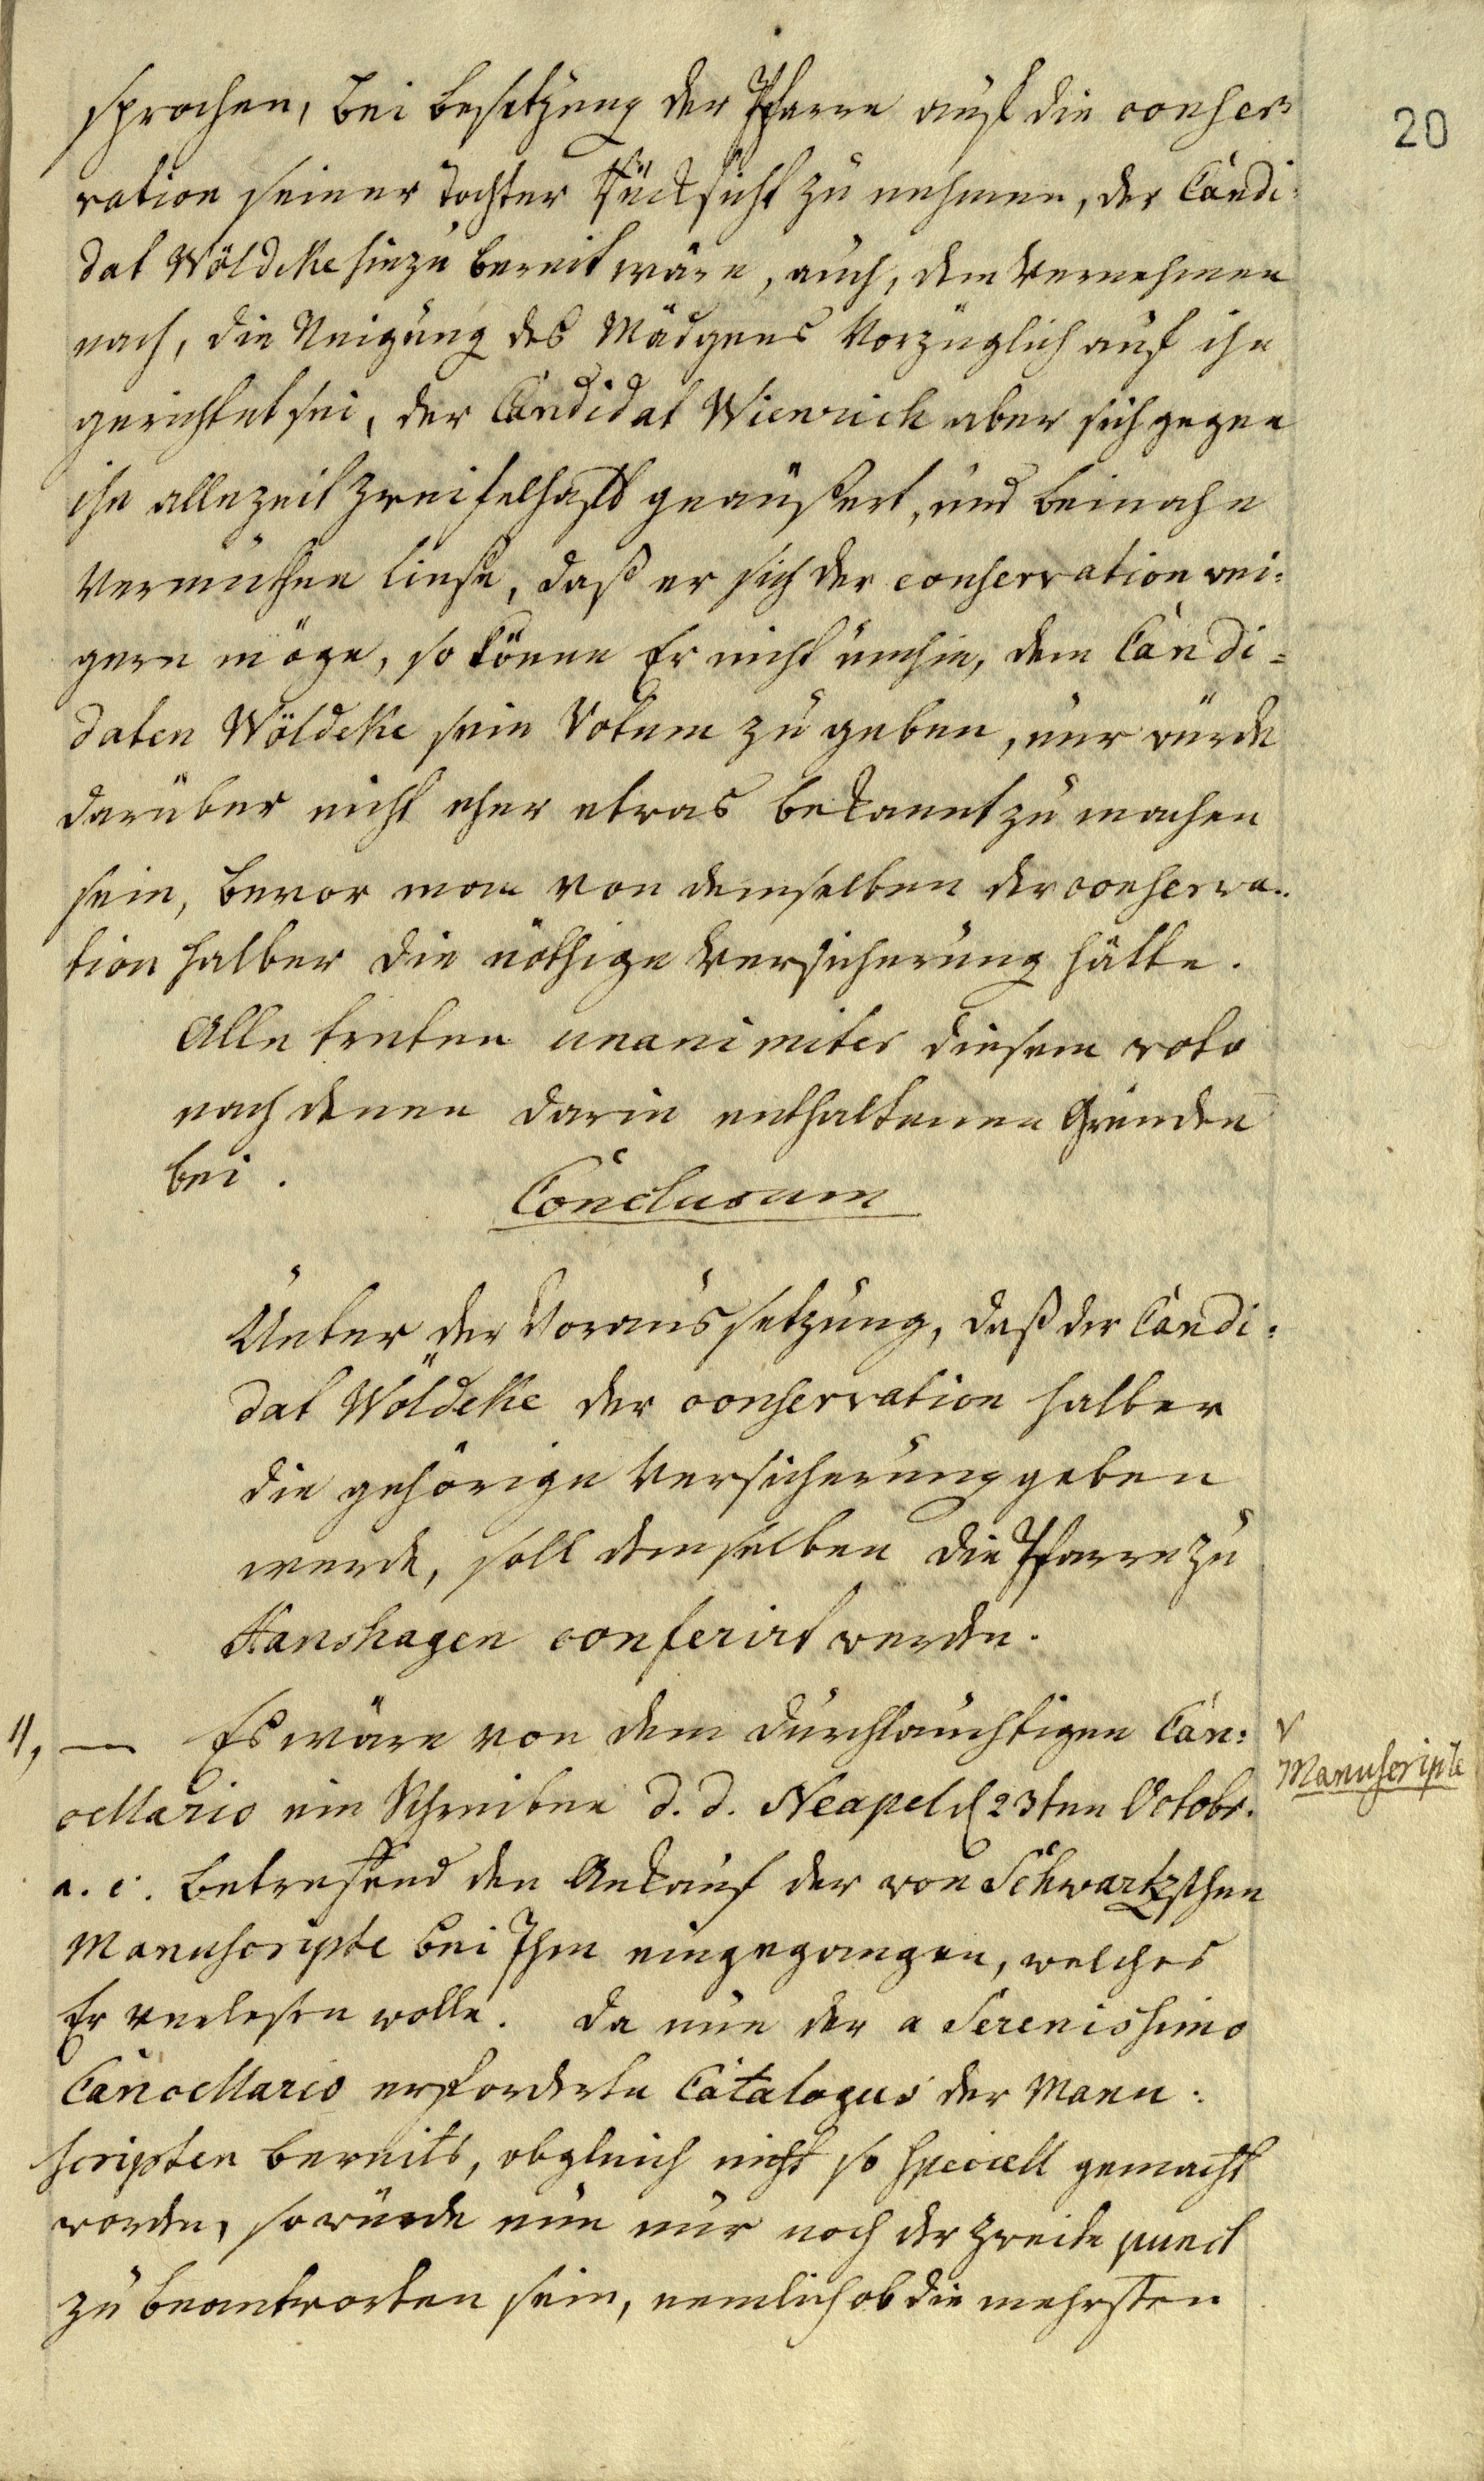sprochen, bei Besetzung der Pfarre auf die conser¬
vation seiner Tochter Rücksicht zu nehmen, der Candi¬
dat Wöldecke hiezu bereit wäre, auch, dem Vernehmen
nach, die Neigung des Mädgens vorzüglich auf ihn
gerichtet sei, der Candidat Wienrich aber sich gegen
ihn allezeit zweifelhaft geäußert, und beinahe
vermuthen ließe, daß er sich der conservation wei¬
gern möge, so könne Er nicht umhin, dem Candi¬
daten Wöldeke sein Votum zu geben, nur würde
darüber nicht eher etwas bekannt zumachen
sein, bevor man von demselben der conserva¬
tion halber die nöthige Versicherung hätte.
Alle treten unanimiter diesem voto
nach denen darin enthaltenen Gründen
bei.
Conclusum
Unter der Voraussetzung, daß der Candi¬
dat Wöldeke der conservation halber
die gehörige Versicherung geben
werde, soll demselben die Pfarre zu
Hanshagen conferirt werden.
4 Es wäre von dem durchlauchtigen Can¬
cellario ein Schreiben d.d. Neapel d. 23ten Octobr: Manuscripte
a. c. Betreffend den Ankauf der von Schwartzschen
Manuscripte bei Ihm eingegangen, welches
Er verlesen wolle. Da nun der a Serenissimo
Cancellario erforderte Catalogus der Manu¬
scripten bereits, obgleich nicht so speciell gemacht
worden, so würde nun nur noch der zweite punct
zu beantworten sein, nemlich ob die mehrsten